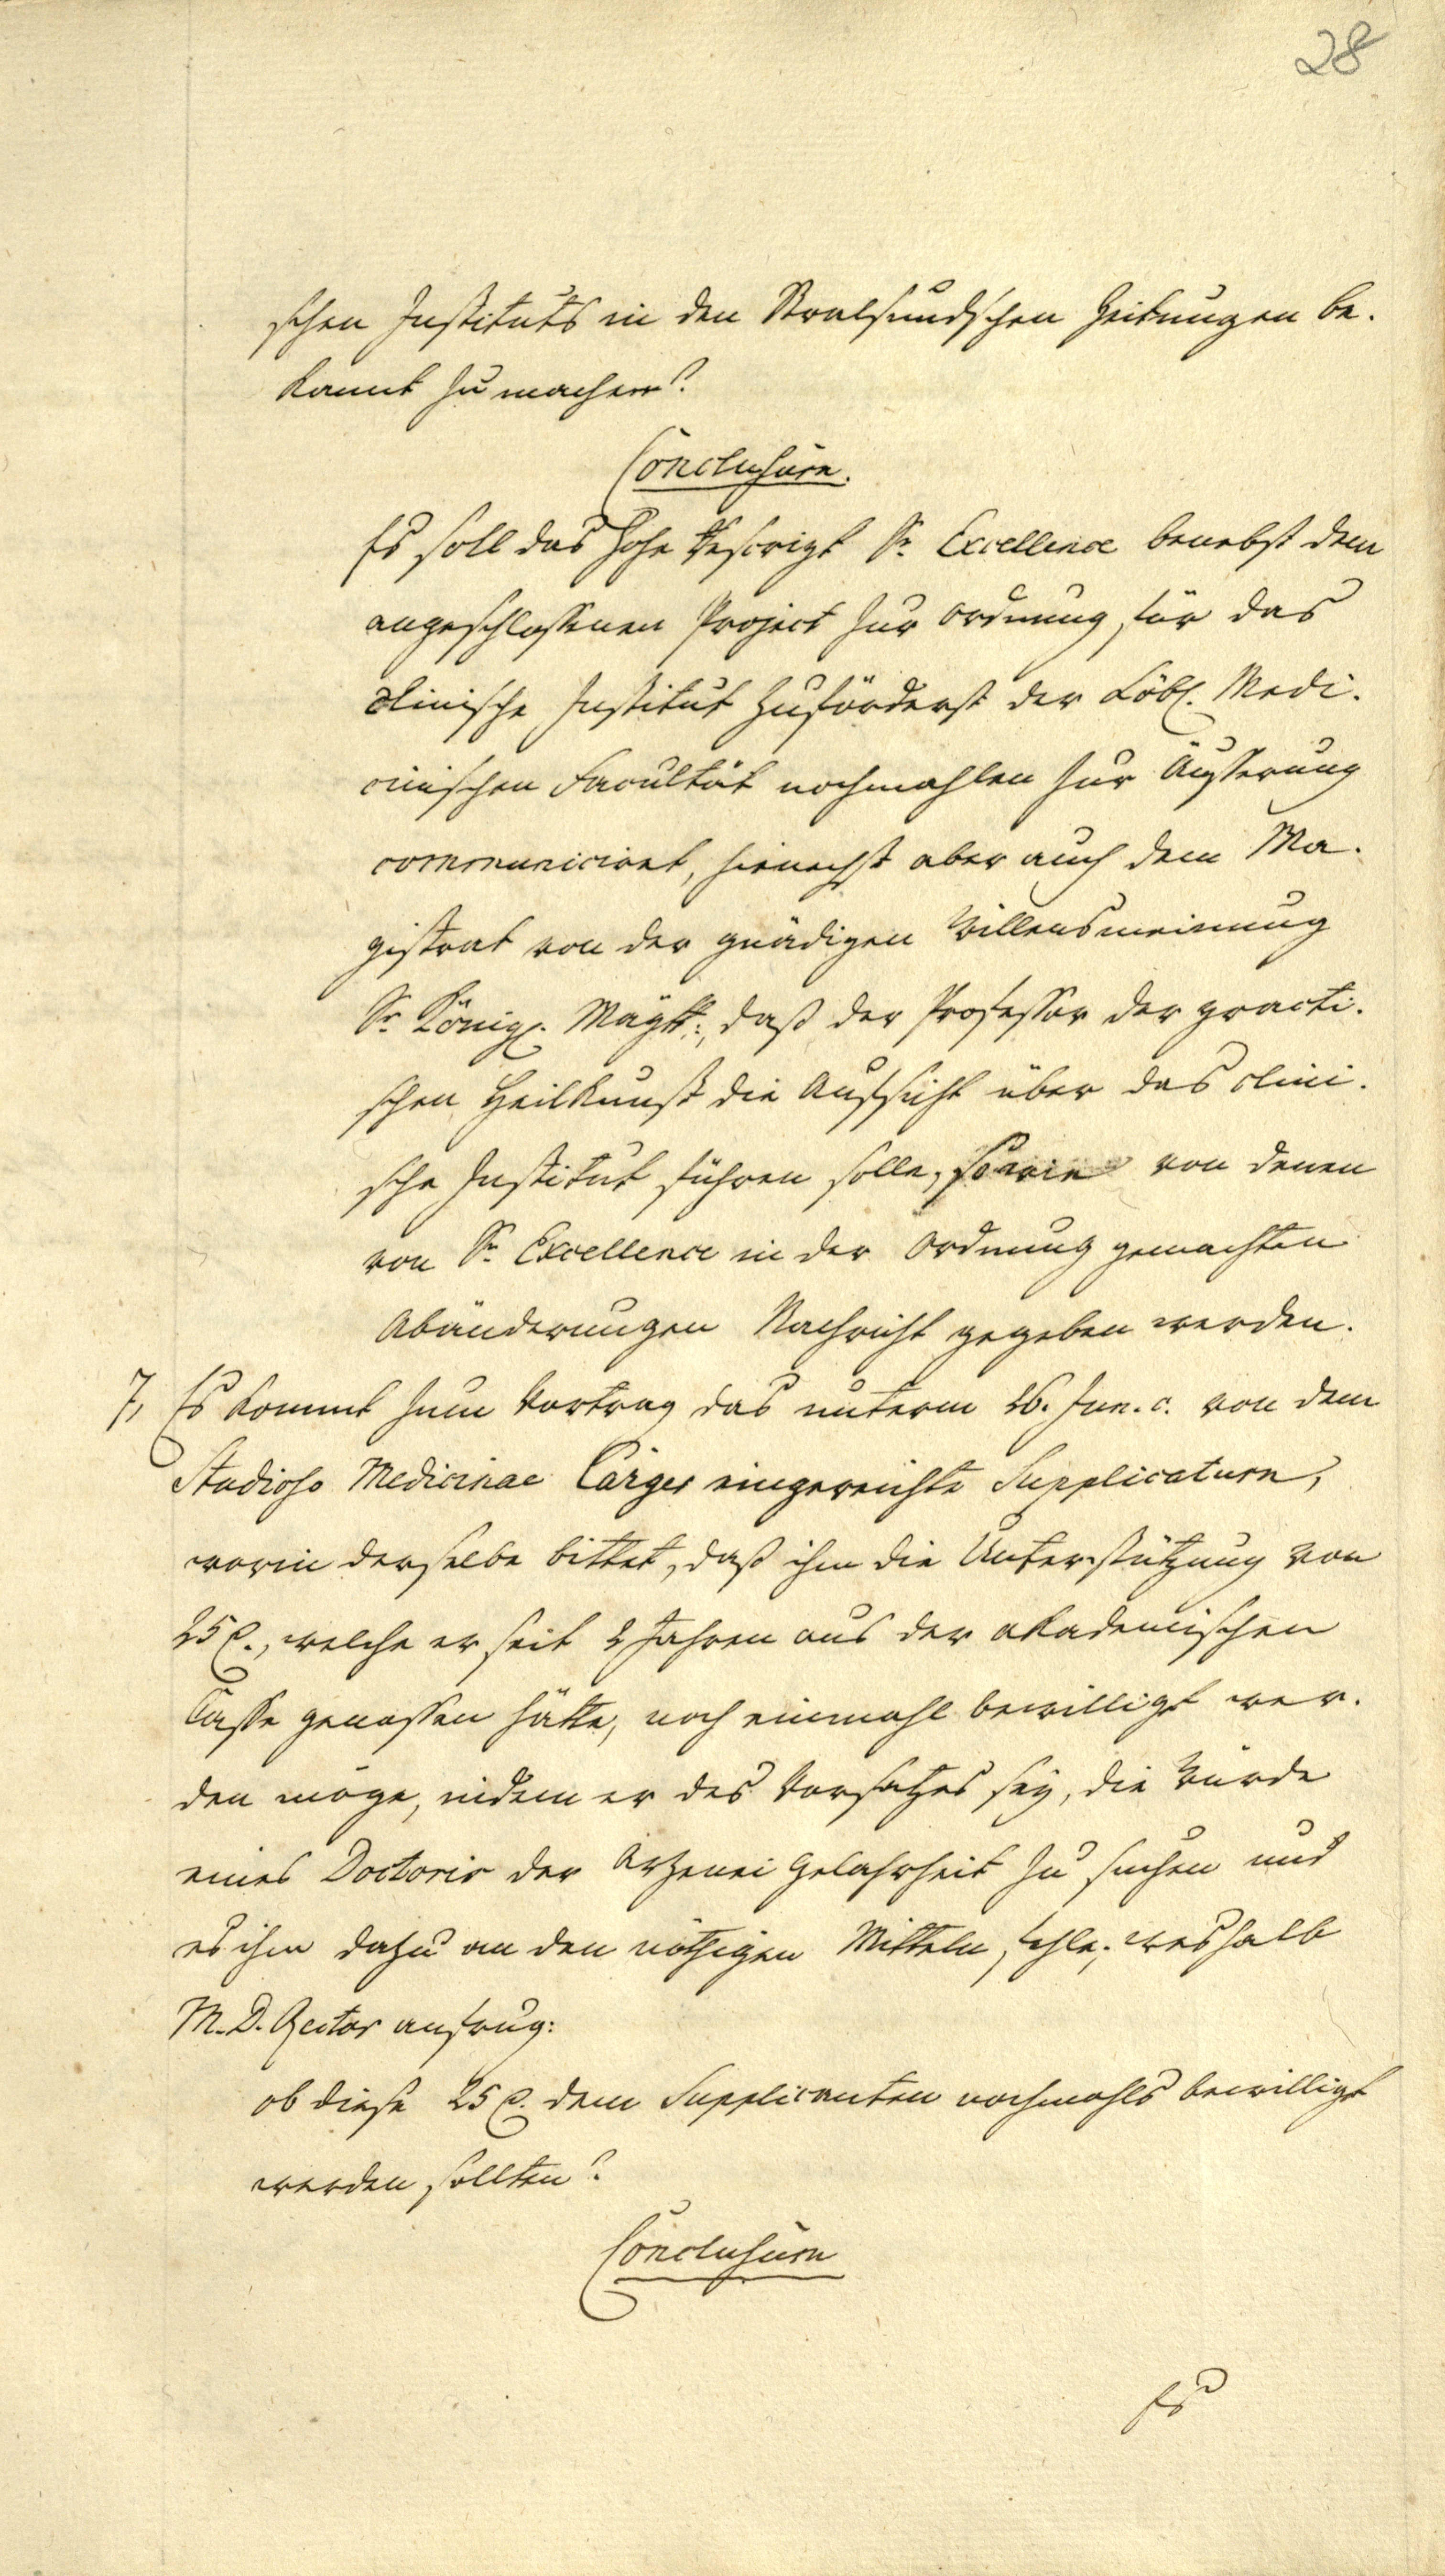schen Instituts in den Stralsundschen Zeitungen be¬
kannt zu machen?
Conclusum
Es soll das hohe Rescript Sr. Excellence benebst dem
angeschlossenen Project zur Ordnung für das
clinische Institut zuförderst der Löbl. Medi¬
cinischen Facultät nochmahlen zur Äusserung
communiciret, hienechst aber auch dem Ma¬
gistrat von der gnädigen Willensmeinung
Sr. Königl. Maÿtt., daß der Professor der practi¬
schen Heilkunst die Aufsicht über das clini¬
sche Institut führen solle, sowie von denen
von Sr. Excellence in der Ordnung gemachten
Abänderungen Nachricht gegeben werden.
7., Es kommt zum Vortrag das unterm 26. Jun. c. von dem
Studioso Medicinae Carger eingereichte Supplicatum,
worin derselbe bittet, daß ihm die Unterstützung von
25 l., welche er seit 2 Jahren aus der akademischen
Casse genossen hätte, noch einmahl bewilligt wer¬
den möge, indem er des Vorsatzes seÿ, die Würde
eines Doctoris der Arzenei Gelahrheit zu suchen und
es ihm dazu an den nöthigen Mitteln fehle; weshalb
M. D. Rector anfrug:
ob diese 25 l. dem Supplicanten nochmahls bewilligt
werden sollten?
Conclusum
Es